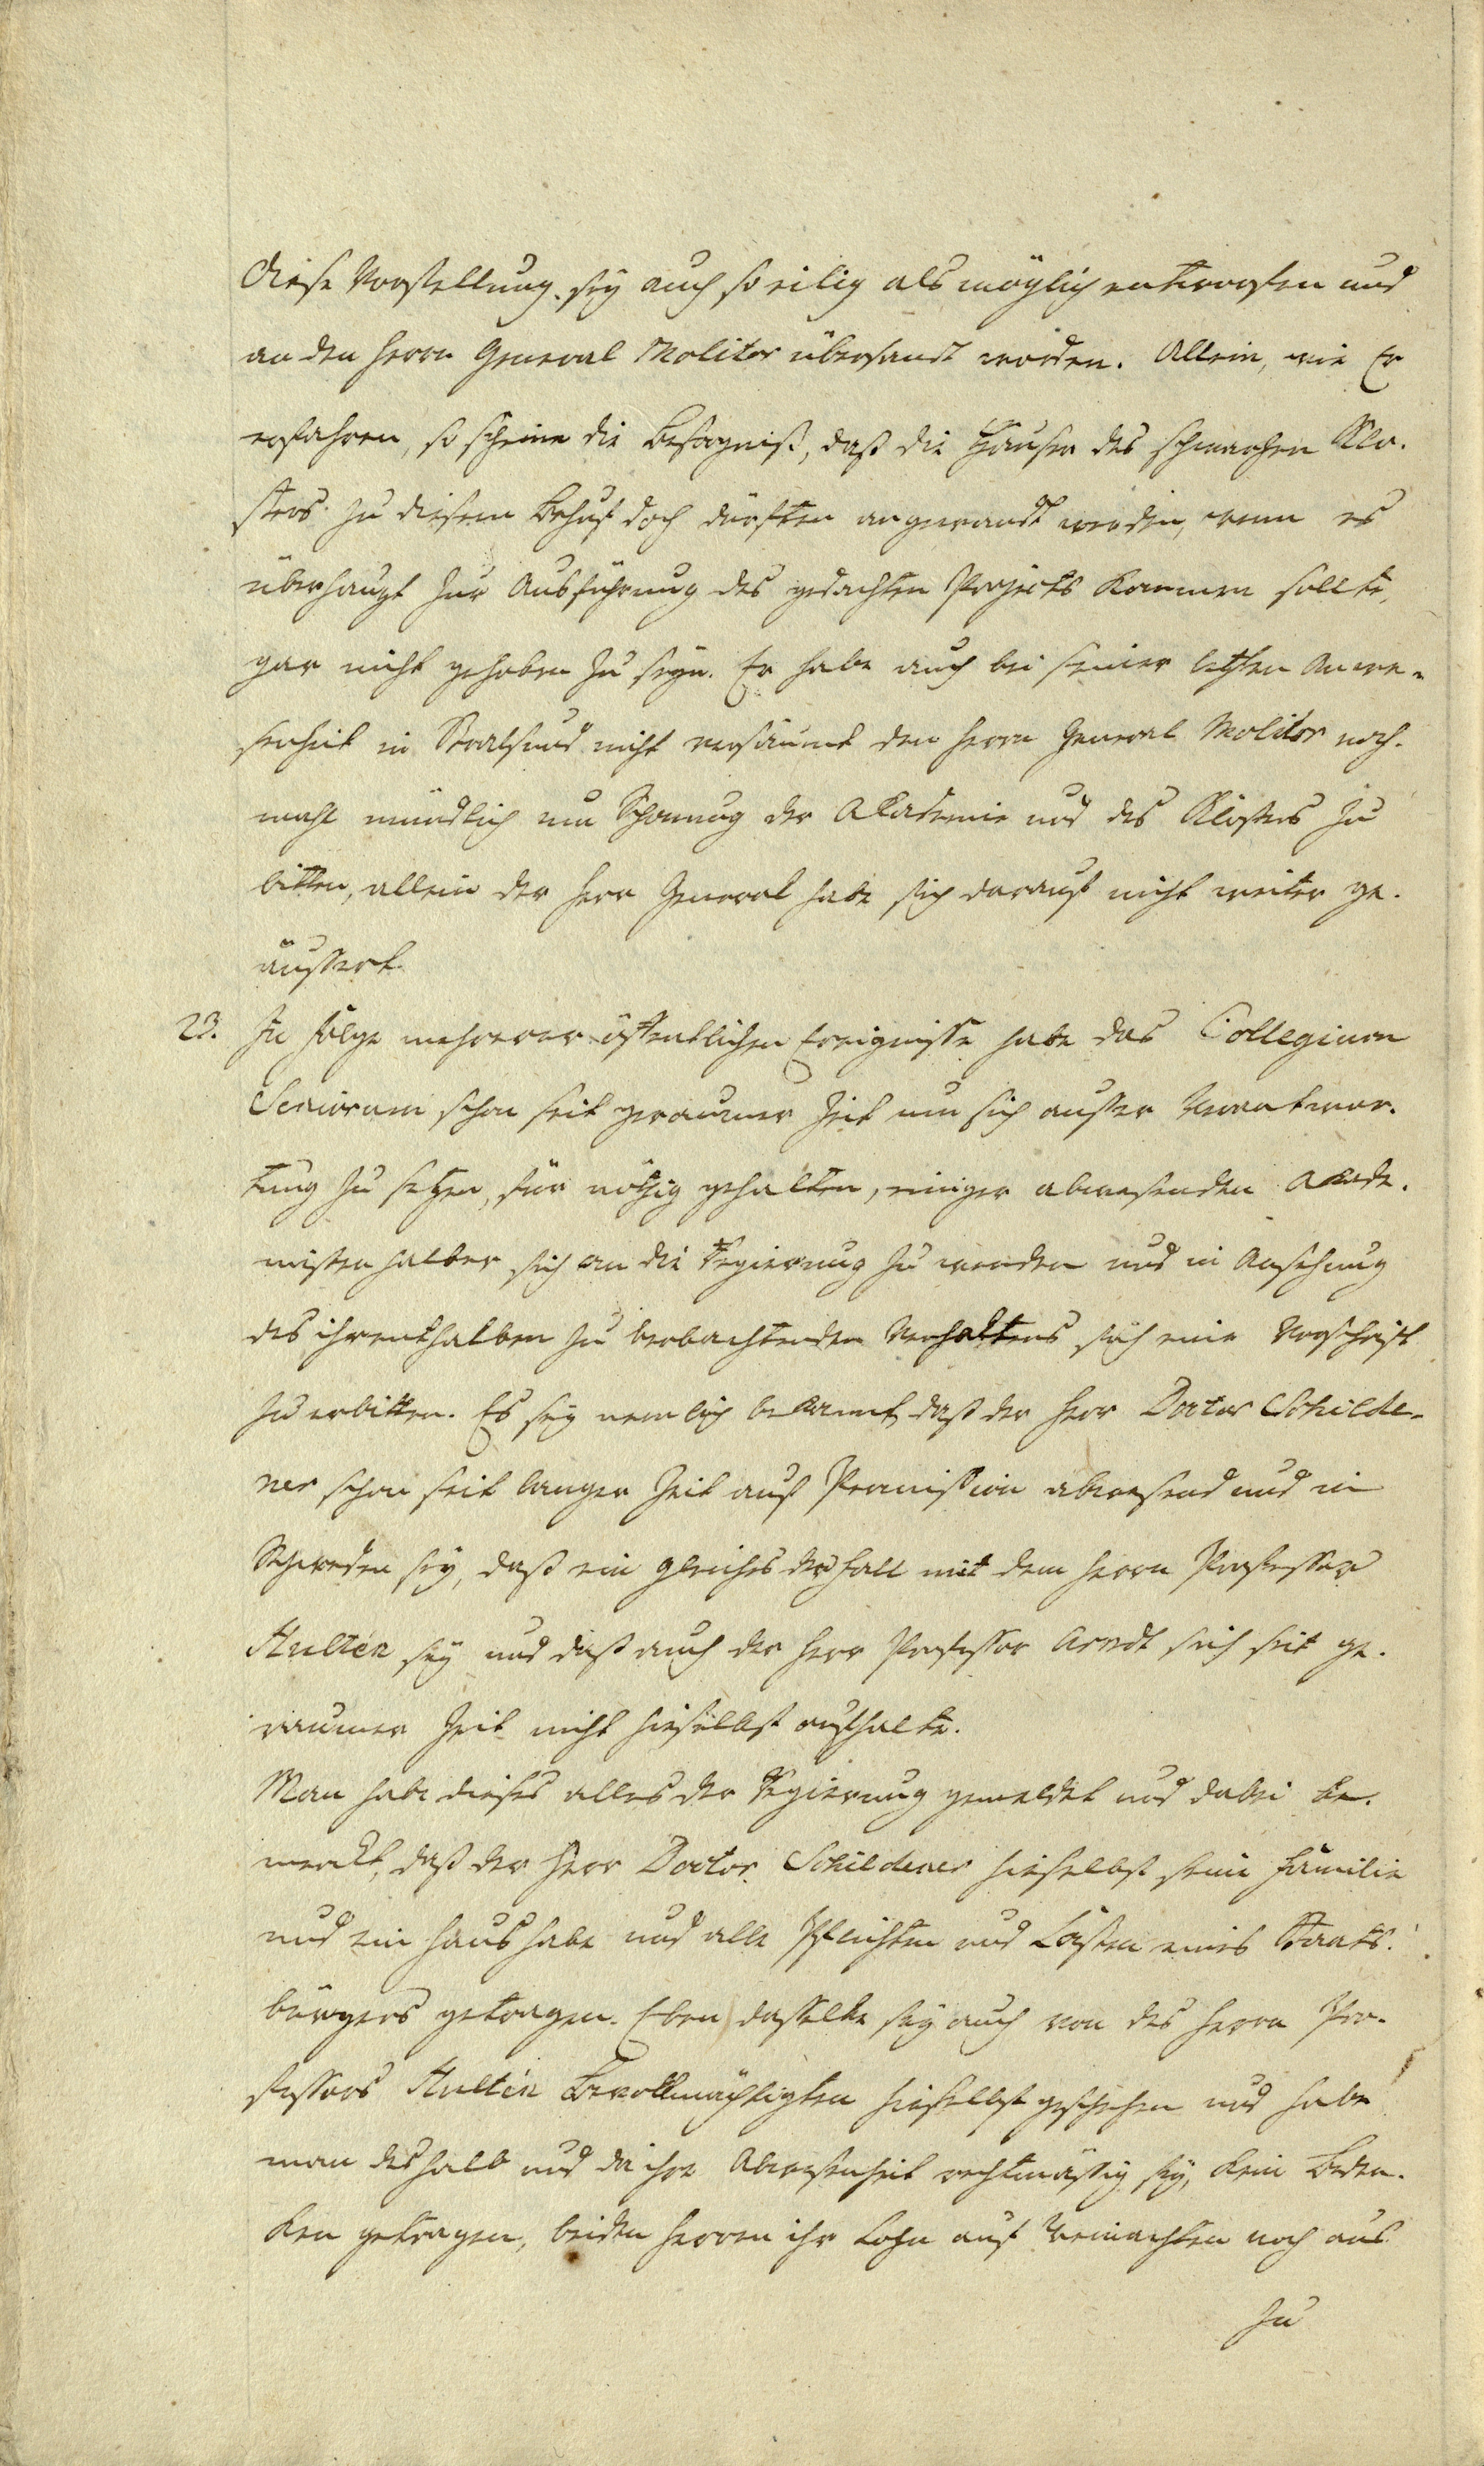Diese Vorstellung seÿ auch so eilig als möglich entworfen und
an den Herrn General Molitor übersandt worden. Allein, wie Er
erfahren, so scheine die Besorgnis, daß die Häuser des schwarzen Klo¬
sters zu diesem Behuf doch dürften angewandt werden, wenn es
überhaupt zur Ausführung des gedachten Projects kommen sollte
gar nicht gehoben zu seÿn. Er habe auch bei seiner letzten Anwe¬
senheit in Stralsund nicht versäumt, dem Herrn General Molitor noch¬
mahl mündlich um Schonung der Akademie und des Klosters zu
bitten, allein der Herr General habe sich darauf nicht weiter ge¬
äußert.
23. In Folge mehrerer öffentlicher Ereignisse habe das Collegium
Seniorum schon seit geraumer Zeit um sich ausser Verantwor¬
tung zu setzen, für nöthig gehalten, einiger abwesenden Akade¬
misten halber sich an die Regierung zu wenden und in Ansehung
des ihrenthalben zu beobachtenden Verhaltens sich eine Vorschrift
zu erbitten. Es seÿ nemlich bekannt, daß der Herr Doctor Schilde¬
ner schon seit langer Zeit auf Permission abwesend und in
Schweden seÿ, daß ein gleiches der Fall mit dem Herrn Professor
Hultén seÿ und daß auch der Herr Professor Arndt sich seit ge¬
raumer Zeit nicht hieselbst aufhalte.
Man habe dieses alles der Regierung gemeldet und dabei be¬
merckt, daß der Herr Doctor Schildener hieselbst seine Familie
und ein Haus habe und alle Pflichten und Lasten eines Staats¬
bürgers getragen. Eben dasselbe seÿ auch von des Herrn Prof¬
fessors Hultén Bevollmächtigten hieselbst geschehen und habe
man deshalb und da ihre Abwesenheit rechtmässig seÿ, kein Beden¬
ken getragen, beiden Herren ihr Lohn auf Weinachten noch aus¬
zu